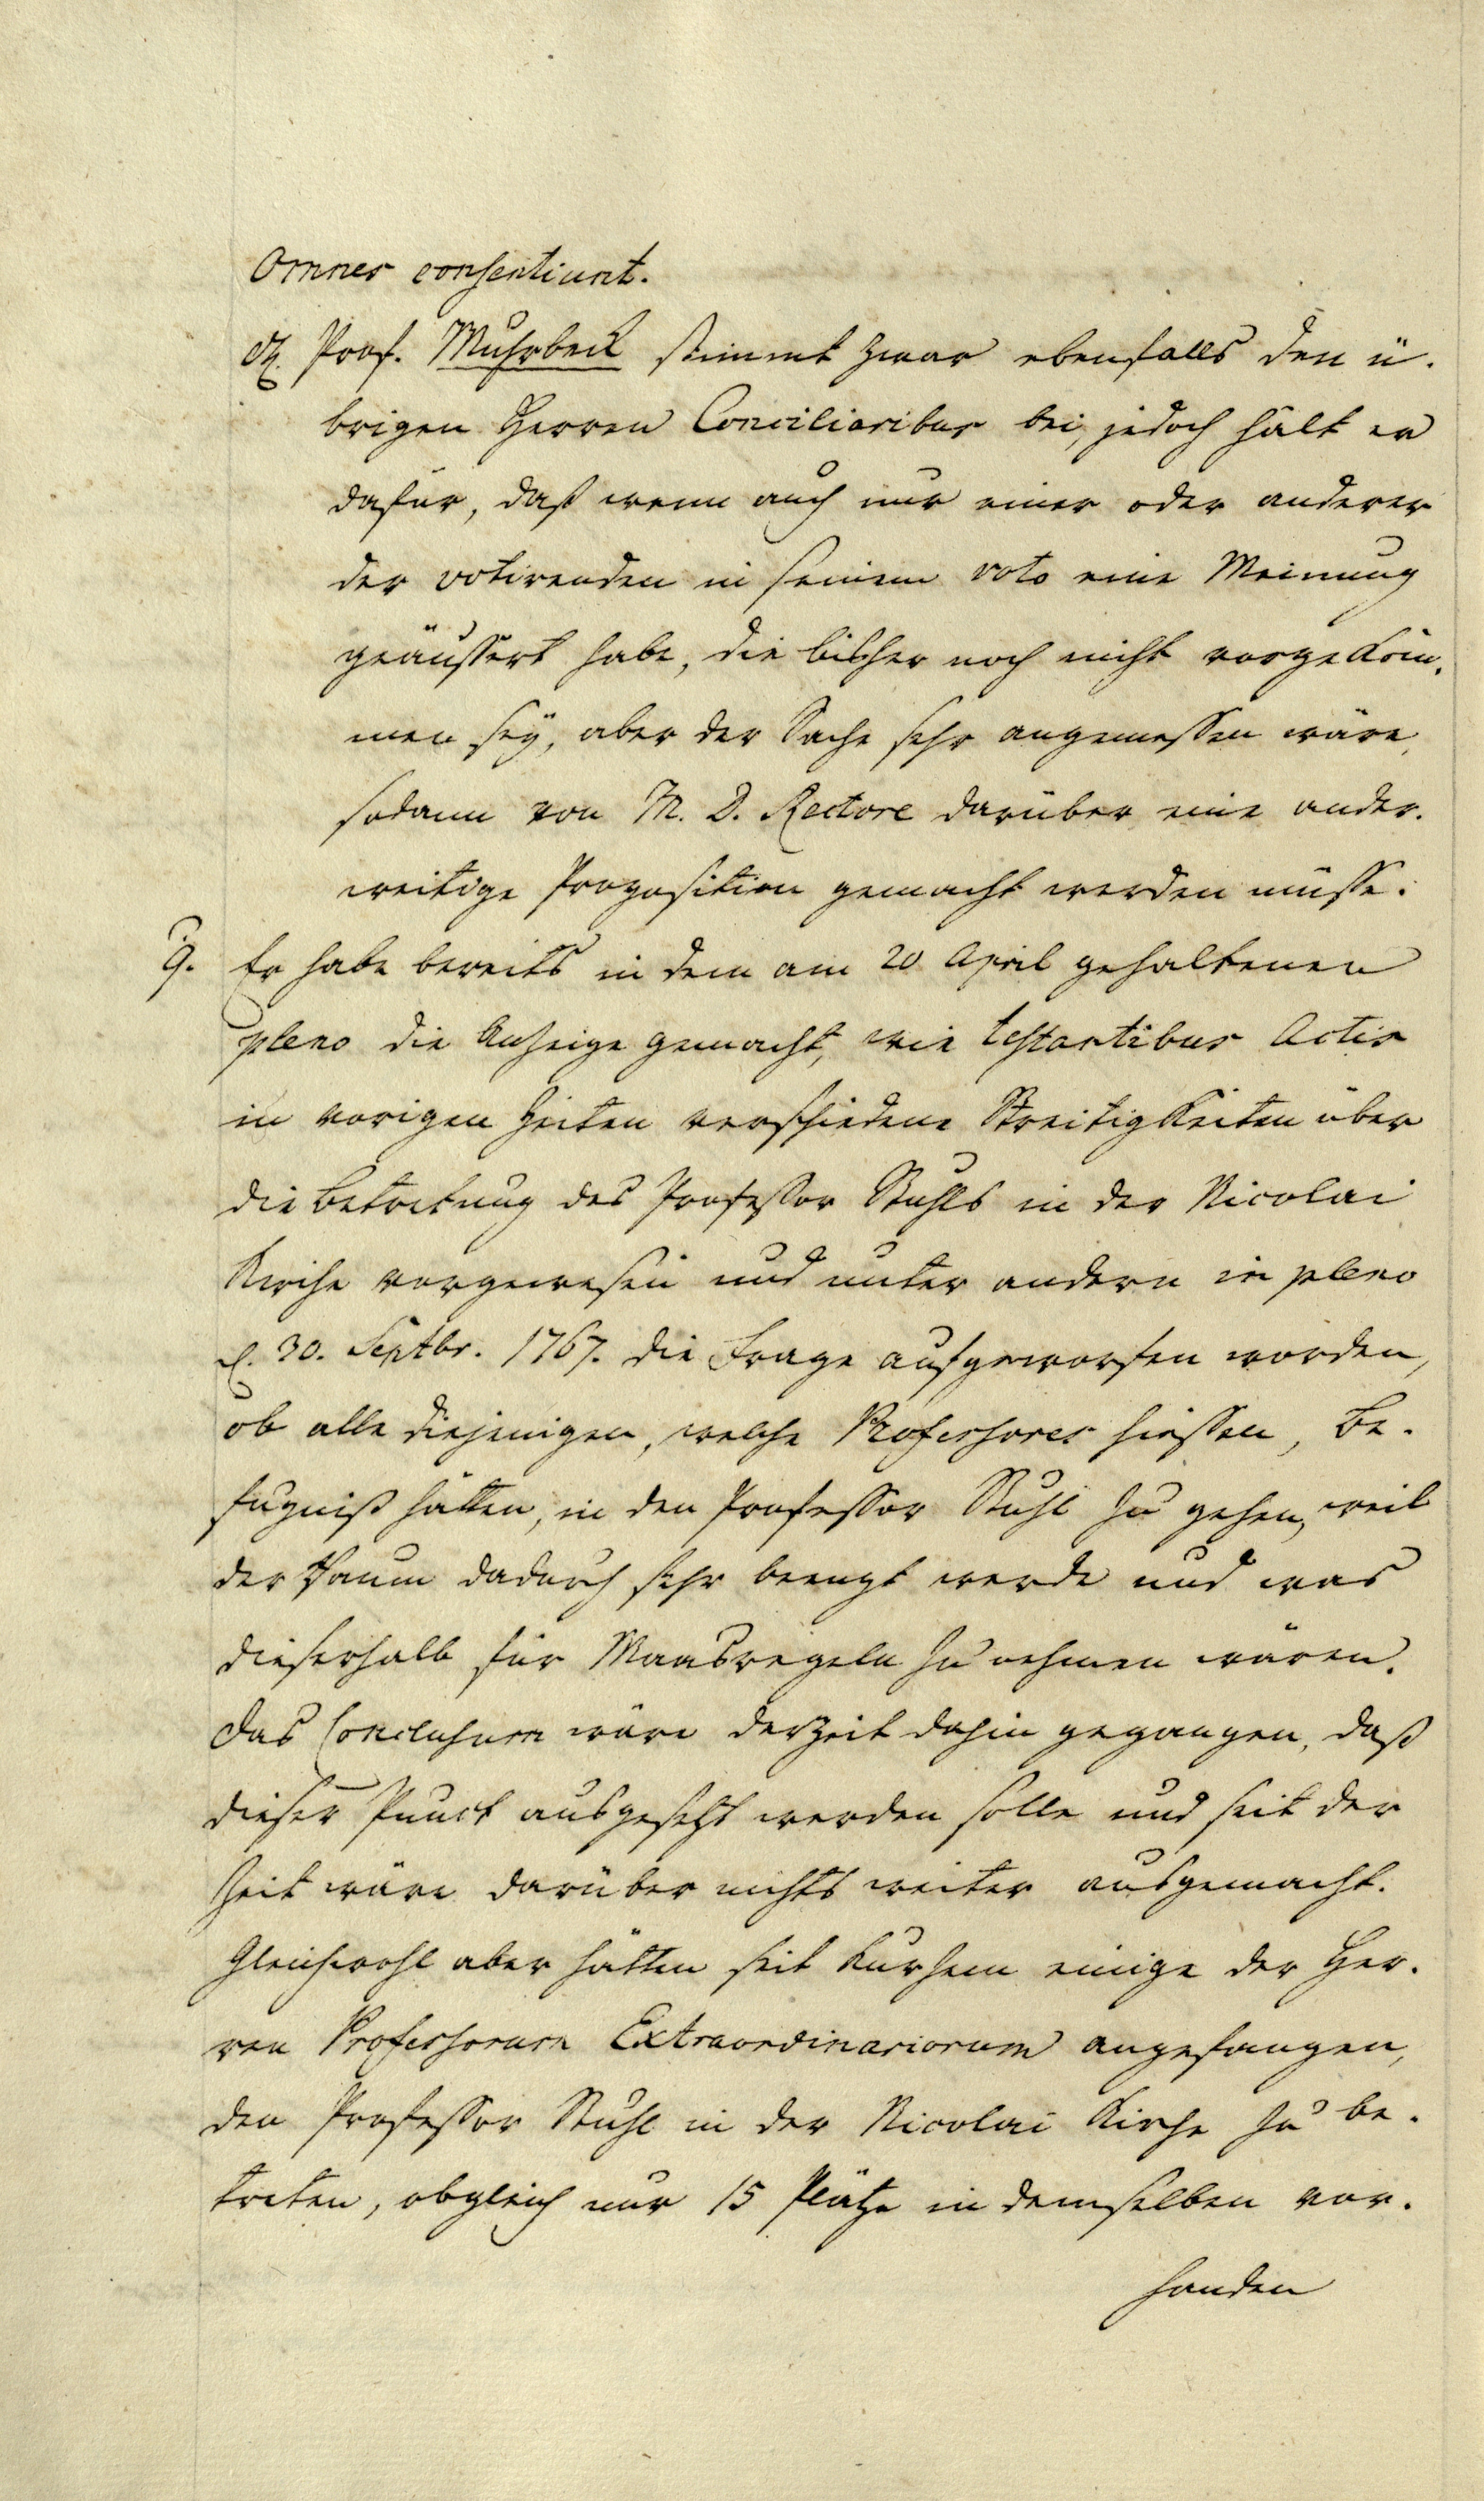Omnes consentiunt.
dh. Prof. Muhrbeck stimmt zwar ebenfalls den ü¬
brigen Herren Conciliaribus bei, jedoch hält er
dafür, daß wenn auch nur einer oder anderer
der votirenden in seinem voto eine Meinung
geäussert habe, die bisher noch nicht vorgekom¬
nen seÿ, aber der Sache sehr angemessen wäre,
sodann von M. D. Rectore darüber eine ander¬
weitige Proposition gemacht werden müsse.
9. Er habe bereits in dem am 20. April gehaltenen
pleno die Anzeige gemacht, wie testantibus Actis
in vorigen Zeiten verschiedene Streitigkeiten über
die Betretung des Professor Stuhls in der Nicolai
Kirche vorgewesen und unter andern in pleno
d. 30. Septbr. 1767. die Frage aufgeworfen worden,
ob alle diejenigen, welche Professores hiessen, Be¬
fugniß hätten, in den Professor Stuhl zu gehen, weil
der Raum dadurch sehr beengt werde und was
dieserhalb für Maasregeln zu nehmen wären.
Das Conclusum wäre derzeit dahin gegangen, daß
dieser Punct ausgesetzt werden solle und seit der
Zeit wäre darüber nichts weiter ausgemacht.
Gleichwohl aber hätten seit kurzem einige der Her¬
ren Professorum Exdtraoedinariorum angefangen,
den Professor Stuhl in der Nicolai Kirche zu be¬
treten, obgleich nur 15 Plätze in demselben vor¬
handen